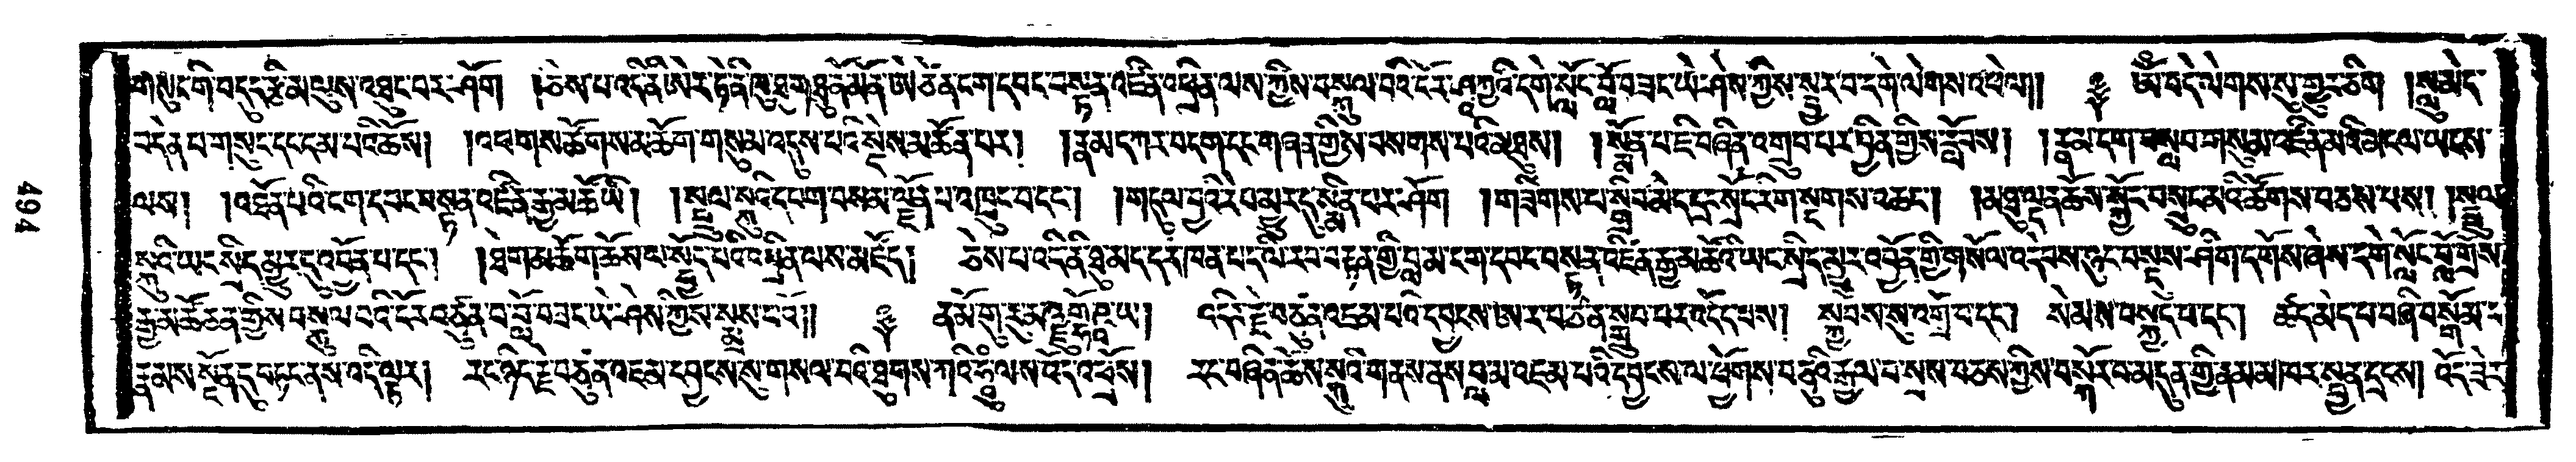གསུང་གི་བདུད་རྩི་མ་ལུས་འཐུང་བར་ཤོག །ཅེས་པ་འདི་ནི་ཨེར་ཏེ་ནི་ཁུ་ཐུག་ཐུ་ནོ་མོན་ཨེ་ཙེན་ངག་དབང་བསྟན་འཛིན་འཕྲིན་ལས་ཀྱིས་བསྐུལ་བའི་ངོར་ཤཱཀྱའི་དགེ་སློང་བློ་བཟང་ཡེ་ཤེས་ཀྱིས་སྦྱར་བ་དགེ་ལེགས་འཕེལ།། ༈ ཨོཾ་བདེ་ལེགས་སུ་གྱུར་ཅིག །སླུ་མེད་
བདེན་པ་གསུང་དང་དམ་པའི་ཆོས། །འཕགས་ཚོགས་མཆོག་གསུམ་འདུས་པའི་སྡེས་མཚོན་པར། །རྣམ་དཀར་བདག་དང་གཞན་གྱིས་བསགས་པའི་མཐུས། །སྨོན་པ་ཇི་བཞིན་འགྲུབ་པར་བྱིན་གྱིས་རློབས། །རྣམ་དག་བསླབ་གསུམ་འཛིན་མའི་མངལ་ཡངས་
ལས། །འཐོན་པའི་ངག་དབང་བསྟན་འཛིན་རྒྱ་མཚོ་ཡི། །སྤྲུལ་སྐུའི་དཔག་བསམ་ལྗོན་པ་འཁྲུང་བ་དང་། །གདུལ་བྱའི་རེ་བ་མྱུར་དུ་སྨིན་པར་ཤོག །གཟིགས་པ་སྒྲིབ་མེད་དྲང་སྲོང་རིག་སྔགས་འཆང་། །མཐུ་ལྡན་ཆོས་སྐྱོང་བསྲུང་མའི་ཚོགས་བཅས་པས། །སྤྲུལ་
སྐུའི་ཡང་སྲིད་མྱུར་དུ་འབྱོན་པ་དང་། །ཐེག་མཆོག་ཆོས་ལ་སྤྱོད་པའི་འཕྲིན་ལས་མཛོད། ཅེས་པ་འདི་ནི་ཐུ་མང་དར་ཁན་པད་ལི་རབ་བརྟན་གྱི་བླ་མ་ངག་དབང་བསྟན་འཛིན་རྒྱ་མཚོའི་ཡང་སྲིད་མྱུར་འབྱོན་གྱི་གསོལ་འདེབས་ཉུང་བསྡུས་ཤིག་དགོས་ཞེས་དགེ་སློང་བློ་གྲོས་
རྒྱ་མཚོ་ཅན་གྱིས་བསྐུལ་བའི་ངོར་བཙུན་བ་བློ་བཟང་ཡེ་ཤེས་ཀྱིས་སྨྲས་བའོ།། ༈ ན་མོ་གུ་རུ་མཉྫུ་གྷོ་ཥཱ་ཡ། །འདིར་རྗེ་བཙུན་འཇམ་པའི་དབྱངས་ཨ་ར་པ་ཙ་ན་སྒྲུབ་པར་འདོད་པས། སྐྱབས་སུ་འགྲོ་བ་དང་། སེམས་བསྐྱད་པ་དང་། ཚད་མེད་པ་བཞི་བསྒོམ་པ་
རྣམས་སྔོན་དུ་བཏང་ནས་འདི་ལྟར། རང་ཉིད་རྗེ་བཙུན་འཇམ་དབྱངས་སུ་གསལ་བའི་ཐུགས་ཀའི་ཧཱུཾ་ལས་འོད་འཕྲོས། རང་བཞིན་ཆོས་སྐུའི་གནས་ནས་བླ་མ་འཇམ་པའི་དབྱངས་ལ་ཕྱོགས་བཅུའི་རྒྱལ་བ་སྲས་བཅས་ཀྱིས་བསྐོར་བ་མདུན་གྱི་རྣམ་མཁར་སྦྱན་དྲངས། འོད་ཟེར་